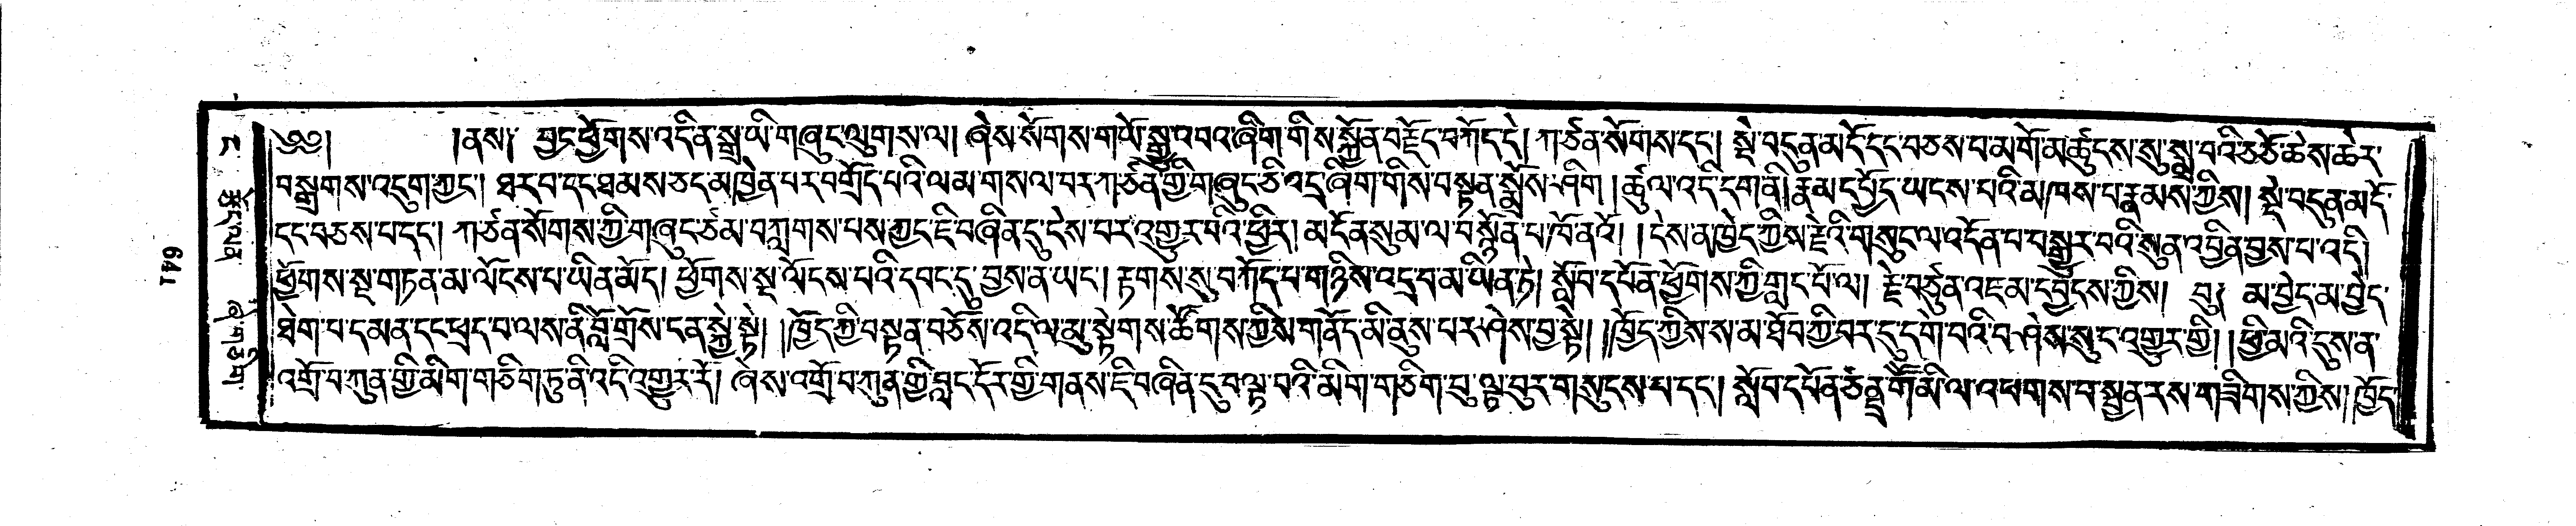༄༅། །ནས༑ བྱང་ཕྱོགས་འདི་ན་སྒྲ་ཡི་གཞུང་ལུགས་ལ། ཞེས་སོགས་གཡོ་སྒྱུ་འབའ་ཞིག་གིས་སྐྱོན་བརྗོད་བཀོད་དེ། ཀ་ཙ་ན་སོགས་དང་། སྡེ་བདུན་མདོ་དང་བཅས་པ་མགོ་མཚུངས་སུ་སྨྲ་བའི་ཅ་ཅོ་ཆེས་ཆེར་
བསྒྲགས་འདུག་ཀྱང་། ཐར་པ་དང་ཐམས་ཅད་མཁྱེན་པར་བགྲོད་པའི་ལམ་གསལ་བར་ཀ་ཙ་ན་གྱི་གཞུང་ཅི་འདྲ་ཞིག་གིས་བསྟན་སྨྲོས་ཤིག །ཚུལ་འདི་དག་ནི། རྣམ་དཔྱོད་ཡངས་པའི་མཁས་པ་རྣམས་ཀྱིས། སྡེ་བདུན་མདོ་
དང་བཅས་པ་དང་། ཀ་ཙ་ན་སོགས་ཀྱི་གཞུང་ཙམ་བཀླགས་པས་ཀྱང་ཇི་བཞིན་དུ་ངེས་པར་འགྱུར་བའི་ཕྱིར། མངོན་སུམ་ལ་བསྙོན་པ་ཁོ་ནའོ། །དེས་ན་ཁྱེད་ཀྱིས་རྗེའི་གསུང་ལ་འདོན་པ་བསྒྱུར་བའི་སུན་འབྱིན་བྱས་པ་འདི།
ཕྱོགས་སྔ་གཏན་མ་ལོངས་པ་ཡིན་མོད། ཕྱོགས་སྔ་ལོངས་པའི་དབང་དུ་བྱས་ན་ཡང་། རྟགས་སུ་བཀོད་པ་གཉིས་འདྲ་བ་མ་ཡིན་ཏེ། སློབ་དཔོན་ཕྱོགས་ཀྱི་གླང་པོ་ལ། རྗེ་བཙུན་འཇམ་དབྱངས་ཀྱིས། བུ༑ མ་བྱེད་མ་བྱེད་
ཐེག་པ་དམན་དང་ཕྲད་པ་ལས་ནི་བློ་གྲོས་ངན་སྐྱེ་སྟེ། །ཁྱོད་ཀྱི་བསྟན་བཅོས་འདི་ལ་མུ་སྟེགས་ཚོགས་ཀྱིས་གནོད་མི་ནུས་པར་ཤེས་བྱ་སྟེ། །ཁྱོད་ཀྱིས་ས་མ་ཐོབ་ཀྱི་བར་དུ་དགེ་བའི་བཤེས་སུ་ང་འགྱུར་གྱི། །ཕྱི་མའི་དུས་ན་
འགྲོ་བ་ཀུན་གྱི་མིག་གཅིག་ཏུ་ནི་འདི་འགྱུར་རོ། ཞེས་འགྲོ་བ་ཀུན་གྱི་བླང་དོར་གྱི་གནས་ཇི་བཞིན་དུ་བལྟ་བའི་མིག་གཅིག་པུ་ལྟ་བུར་གསུངས་པ་དང་། སློབ་དཔོན་ཙ་ནྡྲ་གཽ་མི་ལ་འཕགས་པ་སྤྱན་རས་གཟིགས་ཀྱིས། ཁྱོད་